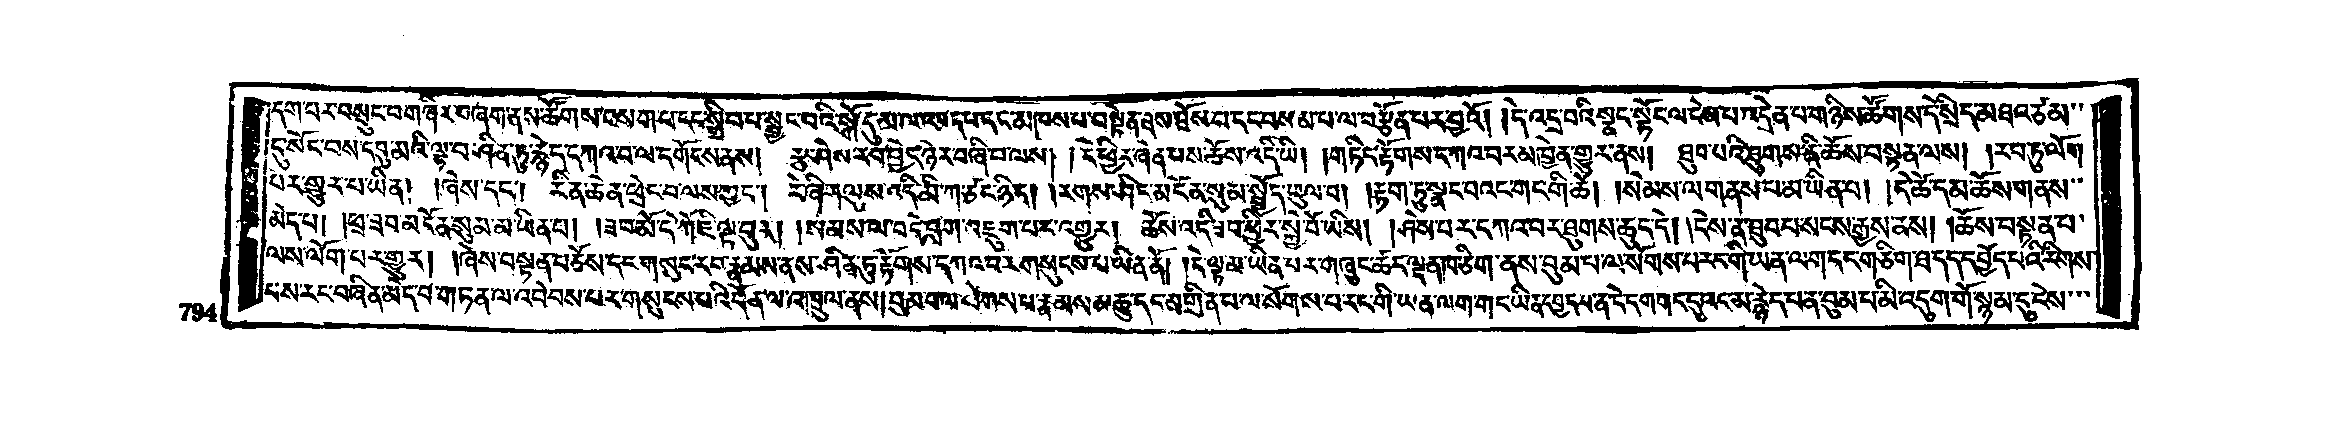དག་པར་བསྲུང་བ་གཞིར་བཞག་ནས་ཚོགས་བསག་པ་དང་སྒྲིབ་པ་སྦྱང་བའི་སྒོ་དུ་མ་ལ་འབད་པ་དང་མཁས་པ་བསྟེན་ནས་ཐོས་པ་དང་བསམ་པ་ལ་བརྩོན་པར་བྱའོ། །དེ་འདྲ་བའི་སྣང་སྟོང་ལ་ངེས་པ་འདྲེན་པ་གཉིས་ཚོགས་དེ་སྲིད་མཐའ་ཙམ་
དུ་སོང་བས་དབུ་མའི་ལྟ་བ་ཤིན་ཏུ་རྙེད་དཀའ་བ་ལ་དགོངས་ནས། རྩ་ཤེའི་རབ་བྱེད་ཉེར་བཞི་པ་ལས། དེ་ཕྱིར་ཞེན་པས་ཆོས་འདི་ཡི། །གཏིང་རྟོགས་དཀའ་བར་མཁྱེན་གྱུར་ནས། །ཐུབ་པའི་ཐུགས་ནི་ཆོས་བསྟན་ལས། །རབ་ཏུ་ལོག་
པར་གྱུར་པ་ཡིན། །ཞེས་དང་། རིན་ཆེན་ཕྲེང་བ་ལས་ཀྱང་། རེ་ཞིག་ལུས་འདི་མི་གཙང་ཉིད། །རགས་ཤིང་མངོན་སུམ་སྤྱོད་ཡུལ་བ། །རྟག་ཏུ་སྣང་བའང་གང་གི་ཚེ། །སེམས་ལ་གནས་པ་མ་ཡིན་པ། །དེ་ཚེ་དམ་ཆོས་གནས་
མེད་པ། །ཕྲ་ཟབ་མངོན་སུམ་མ་ཡིན་པ། །ཟབ་མོ་དེ་ཀོ་ཇི་ལྟ་བུར། །སེམས་ལ་བདེ་བླག་འཇུག་པར་འགྱུར། །ཆོས་འདི་ཟབ་ཕྱིར་སྐྱེ་བོ་ཡིས། །ཤེས་པར་དཀའ་བར་ཐུགས་ཆུད་དེ། །དེས་ན་ཐུབ་པ་སངས་རྒྱས་ནས། །ཆོས་བསྟན་པ་
ལས་ལོག་པར་གྱུར། །ཞེས་བསྟན་བཅོས་དང་གསུང་རབ་རྣམས་ནས་ཤིན་ཏུ་རྟོགས་དཀའ་བར་གསུངས་པ་ཡིན་ནོ། །དེ་ལྟ་མ་ཡིན་པར་གཞུང་ཚད་ལྡན་ཁ་ཅིག་ནས་བུམ་པ་ལ་སོགས་པ་རང་གི་ཡན་ལག་དང་གཅིག་ཐ་དད་དཔྱོད་པའི་རིགས་
པས་རང་བཞིན་མེད་པ་གཏན་ལ་འབེབས་པར་གསུངས་པའི་དོན་ལ་འཁྲུལ་ནས། བུམ་པ་ལ་སོགས་པ་རྣམས་མཆུ་དང་མགྲིན་པ་ལ་སོགས་པ་རང་གི་ཡན་ལག་གང་ཡིན་དཔྱད་པ་ན་དེ་དག་གང་དུའང་མ་རྙེད་པ་ན་བུམ་པ་མི་འདུག་གོ་སྙམ་དུ་ངེས་